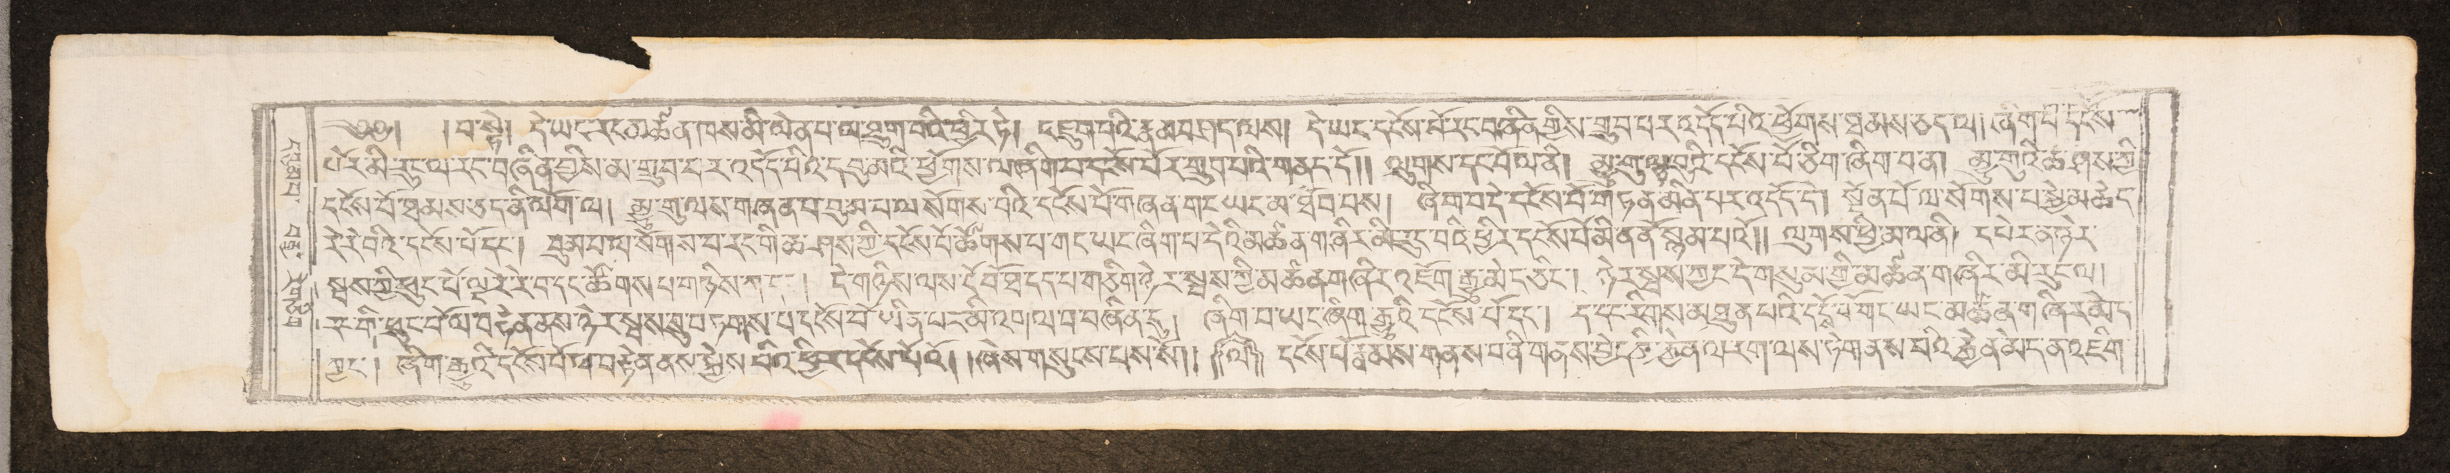༄༅། །པ་སྟེ། དེ་ཡང་རང་མཚན་ཁས་མི་ལེན་པ་ལ་ཐུག་པའི་ཕྱིར་ཏེ། འཇུག་པའི་རྣམ་བཤད་ལས། དེ་ཡང་དངོས་པོ་རང་བཞིན་གྱིས་གྲུབ་པར་འདོད་པའི་ཕྱོགས་ཐམས་ཅད་ལ། ཞིག་པ་དངོས་
པོར་མི་རུང་ལ་རང་བཞིན་གྱིས་མ་གྲུབ་པར་འདོད་པའི་དབུ་མའི་ཕྱོགས་ལ་ཞིག་པ་དངོས་པོར་གྲུབ་པའི་གནད་དོ།། ལུགས་དང་པོ་ལ་ནི། མྱུ་གུ་ལྟ་བུའི་དངོས་པོ་ཅིག་ཞིག་པ་ན། མྱུ་གུའི་ཆ་ཤས་ཀྱི་
དངོས་པོ་ཐམས་ཅད་ནི་ལོག་ལ། མྱུ་གུ་ལས་གཞན་པ་བུམ་པ་ལ་སོགས་པའི་དངོས་པོ་གཞན་གང་ཡང་མ་ཐོབ་པས། ཞིག་པ་དེ་དངོས་པོ་གཏན་མིན་པར་འདོད་དེ། སྔོན་པོ་ལ་སོགས་པ་སྐྱེ་མཆེད་
རེ་རེ་བའི་དངོས་པོ་དང་། བུམ་པ་ལ་སོགས་པ་རང་གི་ཆ་ཤས་ཀྱི་དངོས་པོ་ཚོགས་པ་གང་ཡང་ཞིག་པ་དེའི་མཚན་གཞིར་མི་རུང་བའི་ཕྱིར་དངོས་པོ་མིན་ནོ་སྙམ་པའོ། །ལུགས་ཕྱི་མ་ལ་ནི། དཔེར་ན་ཉེར་
སྦས་ཀྱི་ཕུང་པོ་ལྔ་རེ་རེ་བ་དང་ཚོགས་པ་གཉིས་ཀ་དང་། དེ་གཉིས་ལས་ངོ་བོ་ཐ་དད་པ་གཅིག་ཉེར་སྦས་ཀྱི་མཚན་གཞིར་འཇོག་རྒྱུ་མེད་ཅིང་། ཉེར་སྦས་ཀྱང་དེ་གསུམ་གྱི་མཚན་གཞིར་མི་རུང་ལ།
རང་གི་ཕུང་པོ་ལ་བརྟེན་ནས་ཉེར་སྦས་སུ་བཏགས་པ་དངོས་པོ་ཡིན་པར་མི་འགལ་བ་བཞིན་དུ། ཞིག་པ་ཡང་ཞིག་རྒྱུའི་དངོས་པོ་དང་། དེ་དང་རིགས་མཐུན་པའི་དངོས་པོ་གང་ཡང་མཚན་གཞིར་མེད་
ཀྱང་། ཞིག་རྒྱུའི་དངོས་པོ་ལ་བརྟེན་ནས་སྐྱེས་པའི་ཕྱིར་དངོས་པོའོ། །ཞེས་གསུངས་པས་སོ།། ༼༽ལ༼༽ དངོས་པོ་རྣམས་གནས་པ་ནི་གནས་བྱེད་ཀྱི་རྐྱེན་ལ་རག་ལས་ཏེ་གནས་པའི་རྐྱེན་མེད་ན་འཇིག །